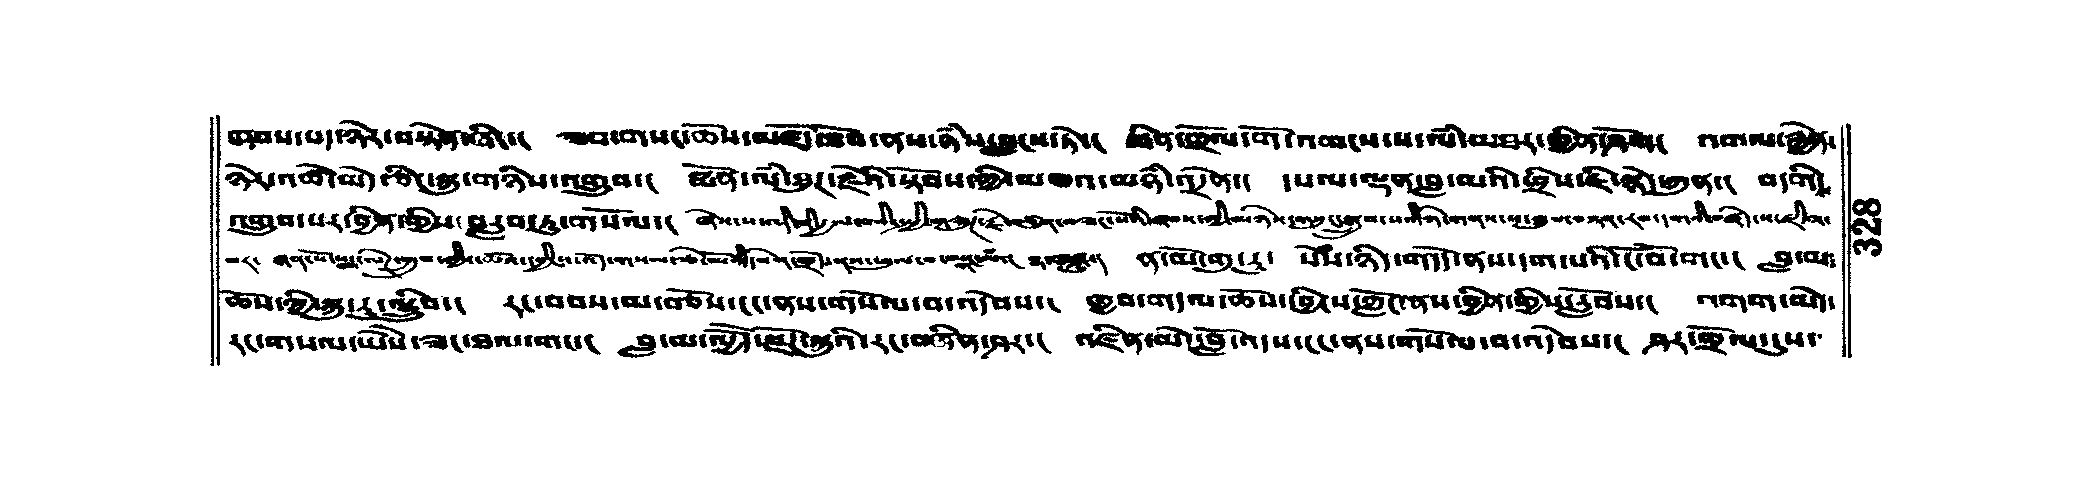ཞབས་པད་ཉེར་བསྟེན་ཞིང་། །ཟབ་གསང་ཆོས་མཛོད་ཐོབ་ནས་ཉམས་བླངས་ཏེ། །སྨིན་གྲོལ་གོ་འཕང་ས་ལམ་མཐར་ཕྱིན་ཤོག །འགལ་རྐྱེན་
ཉེར་འཚེ་མེད་ཅིང་སྐུ་གཉིས་འགྲུབ། །སྨོན་ལམ་ཐུགས་རྗེའི་སྟོབས་ཀྱི་མཁའ་མཉམ་འདྲེན། །དཔལ་ལྡན་བླ་མའི་ཕྲིན་ལས་རྗི་སྙེད་ཀུན། །བདག་གིས་
འགྲུབ་པར་བྱིན་གྱིས་བརླབ་ཏུ་གསོལ། ཞེས་པ་འདི་ནི་རྒྱལ་བའི་སྤྱི་གཟུགས་རྗེ་བཙུན་བཟང་པོའི་ཞབས་ཀྱི་མཉེས་གསུང་སྒྲུབ་པའི་ཉེ་གནས་པ་ཐུབ་བསྟན་རབ་དགའི་བཞེད་པ་ཇི་ལྟ་
བར། རྒན་པོ་པདྨ་ལེགས་གྲུབ་ཀྱིས་ཆོས་དབྱིངས་འོད་གསལ་རྩེ་མོའི་དབེན་ཁྲོད་ནས་ཕུལ་བ་མངྒ་ལཾ།བྷ་ཝནྟུ།་ན་མོ་གུ་རུ། སེམས་ཉིད་གདོད་ནས་དག་པའི་ངོ་བོ་གང་། །བླ་མ་
ཆོས་ཀྱི་སྐུ་རུ་ལྷུན་གྱིས་གྲུབ། །རང་བབས་མ་བཅོས་ངང་ནས་གསོལ་བ་འདེབས། །ཁྱབ་གདལ་ཆོས་དབྱིངས་ཀློང་ནས་བྱིན་གྱིས་རློབས། །འགག་མེད་
རང་གསལ་ཡེ་ཤེས་ཟང་ཐལ་གང་། །བླ་མ་ལོངས་སྤྱོད་རྫོགས་སྐུའི་རང་བཞིན་ཤར། །འཛིན་མེད་བློ་འདས་ངང་ནས་གསོལ་བ་འདེབས། །ཤར་གྲོལ་དུས་